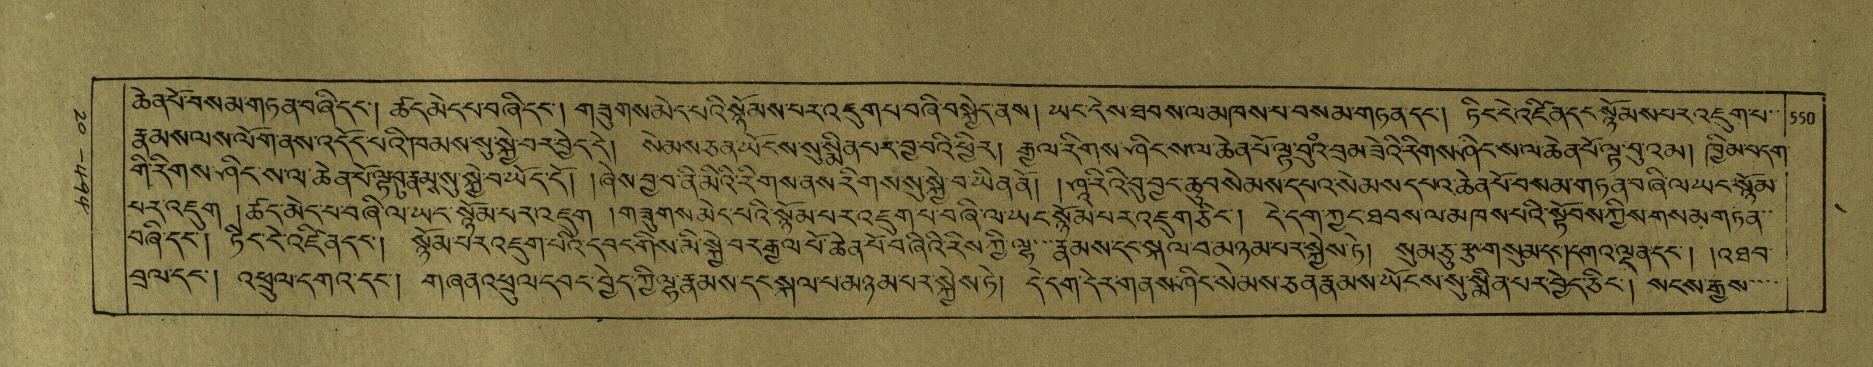ཆེན་པོ་བསམ་གཏན་བཞི་དང་། ཚད་མེད་པ་བཞི་དང་། གཟུགས་མེད་པའི་སྙོམས་པར་འཇུག་པ་བཞི་བསྐྱེད་ནས། ཡང་དེས་ཐབས་ལ་མཁས་པ་བསམ་གཏན་དང་། ཏིང་ངེ་འཛིན་དང་སྙོམས་པར་འཇུག་པ་
རྣམས་ལས་ལོག་ནས་འདོད་པའི་ཁམས་སུ་སྐྱེ་བར་བྱེད་དེ། སེམས་ཅན་ཡོངས་སུ་སྨིན་པར་བྱ་བའི་ཕྱིར། རྒྱལ་རིགས་ཤིང་ས་ལ་ཆེན་པོ་ལྟ་བུའཾ་བྲམ་ཟེའི་རིགས་ཤིང་ས་ལ་ཆེན་པོ་ལྟ་བུ་འམ། ཁྱིམ་བདག་
གི་རིགས་ཤིང་ས་ལ་ཆེན་པོ་ལྟ་བུ་རྣམས་སུ་སྐྱེ་བ་ཡོད་དོ། །ཞེས་བྱ་བ་ནི་མིའི་རིགས་ནས་རིགས་སུ་སྐྱེ་བ་ཡིན་ནོ། །ཤཱ་རིའི་བུ་བྱང་ཆུབ་སེམས་དཔའ་སེམས་དཔའ་ཆེན་པོ་བསམ་གཏན་བཞི་ལ་ཡང་སྙོམ་
པར་འཇུག །ཚད་མེད་པ་བཞི་ལ་ཡང་སྙོམ་པར་འཇུག །གཟུགས་མེད་པའི་སྙོམ་པར་འཇུག་པ་བཞི་ལ་ཡང་སྙོམ་པར་འཇུག་ཅིང་། དེ་དག་ཀྱང་ཐབས་ལ་མཁས་པའི་སྟོབས་ཀྱིས་གསམ་གཏན་
བཞི་དང་། ཏིང་ངེ་འཛིན་དང་། སྙོམ་པར་འཇུག་པའི་དབང་གིས་མི་སྐྱེ་བར་རྒྱལ་པོ་ཆེན་པོ་བཞིའི་རིས་ཀྱི་ལྷ་རྣམས་དང་སྐལ་བ་མཉམ་པར་སྐྱེས་ཏེ། སུམ་ཅུ་རྩ་གསུམ་དང་། དགའ་ལྡན་དང་། །འཐབ་
བྲལ་དང་། འཕྲུལ་དགའ་དང་། གཞན་འཕྲུལ་དབང་བྱེད་ཀྱི་ལྷ་རྣམས་དང་སྐལ་པ་མཉམ་པར་སྐྱེས་ཏེ། དེ་དག་དེར་གནས་ཤིང་སེམས་ཅན་རྣམས་ཡོངས་སུ་སྨིན་པར་བྱེད་ཅིང་། སངས་རྒྱས་